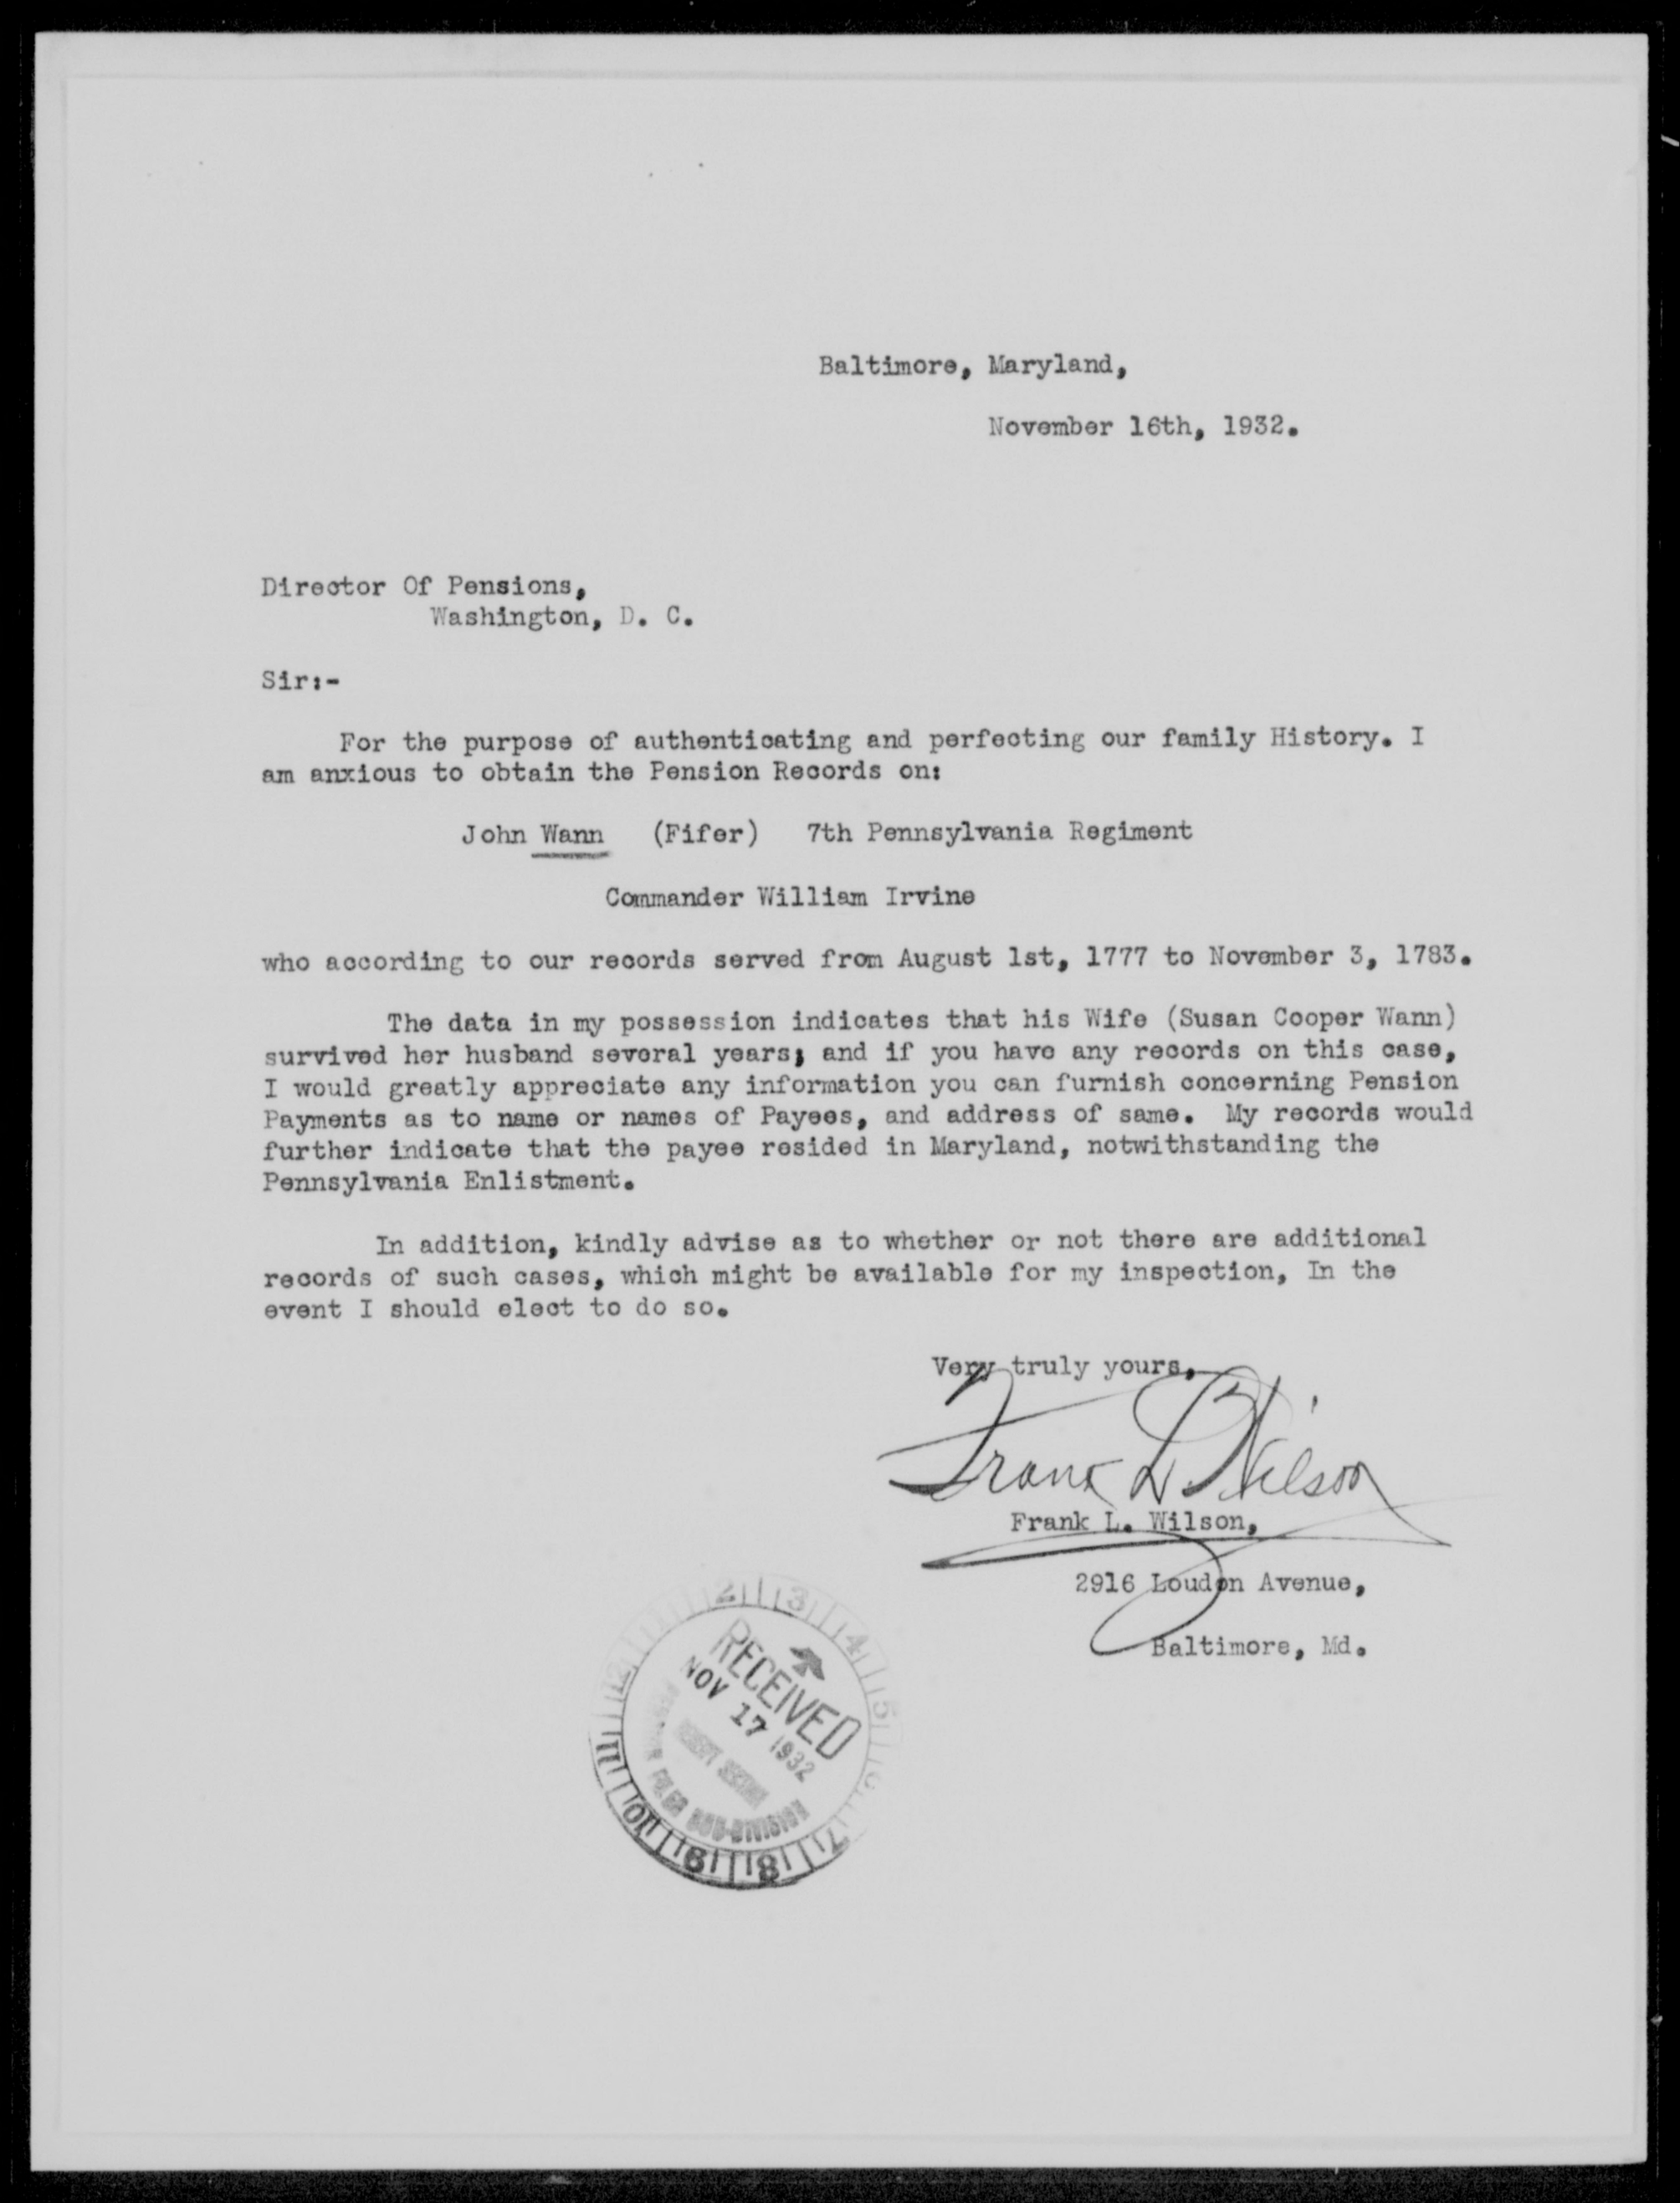Baltimore, Maryland, 
November 16th, 1932.
Director of Pensions, 
Washington, D.C.
Sir:-
For the purpose of authenticating and perfecting our family History.  I am anxious to obtain the Pension Records on:
John Wann (Fifer)  
7th Pennsylvania Regiment
Commander William Irvine
who according to our records served from August 1st, 1777 to November 3, 1783. 
The data in my possession indicates that his Wife (Susan Cooper Wann) survived her husband several years; and if you have any records on this case, I would greatly appreciate any information you can furnish concerning Pension Payments as to name or names of Payees, and address of same.  My records would further indicate that the payee resided in Maryland, notwithstanding the Pennsylvania Enlistment. 
In addition, kindly advise as to whether or nor there are additional records of such cases, which might be available for my inspection, In the event I should elect to do so.
Very truly yours, 
Frank L .Wilson
Frank L. Wilson
2916 Louden Avenue, 
Baltimore, MD. 
Received November 17, 1932
Receipt System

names: Frank L Wilson, Frank L Wilson, Susan Cooper Wann, John Wann, William Irvine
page: 37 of 38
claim: widow's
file: W. 3899, John Wann, Penn.